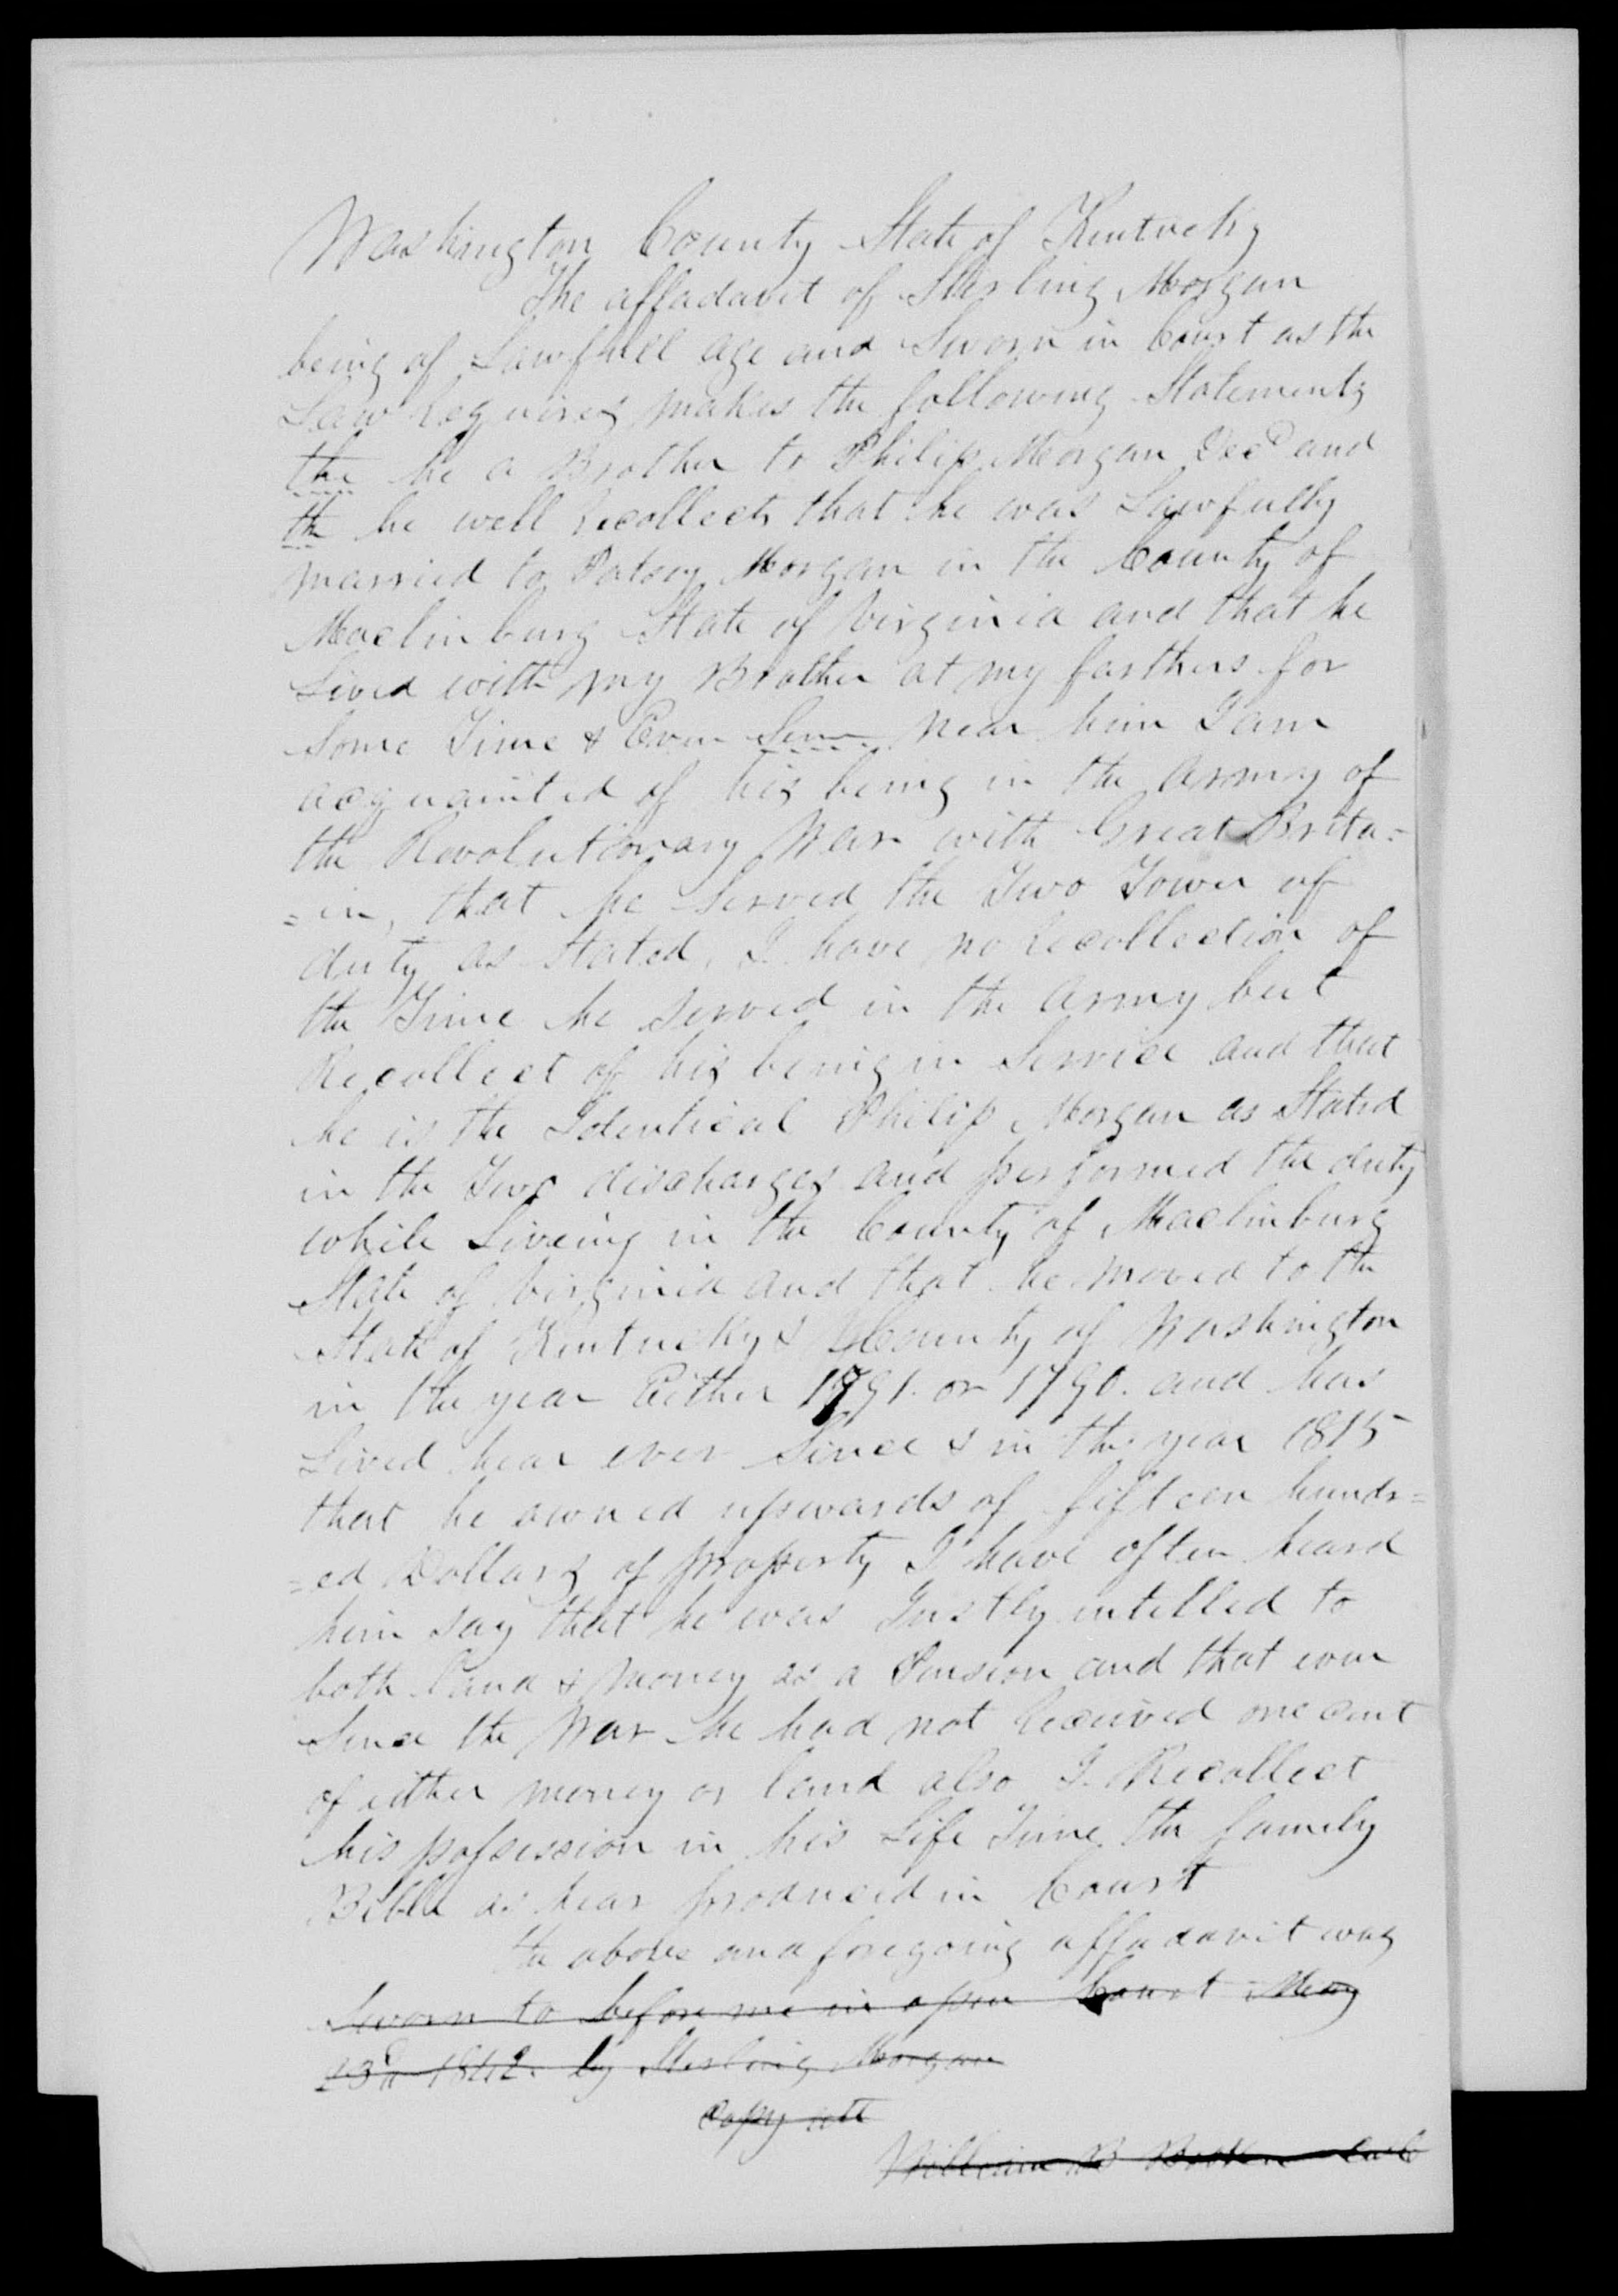Washington County State of Kentucky
The affidavit of Sterling Morgan
being of Lawful age and sworn in Court as the
Law Require makes the following Statement,
the he a Brother to Philip Morgan Decd and
the he well Recollects that he was Lawfully
married to Patsey Morgan in the County of
Machinburg State of Virginia and that he
lived with my Brother at my fathers for
Some Time & Even [illegible] near him I am
acquainted of his being in the Army of
the Revolutionary War with Great Brita
in that he served the Two Tower of
duty as stated, I have no recollection of
the Time he served in the Army but
Recollect of his being in service and that
he is the Identical Philip Morgan as stated
in the Two discharges and performed the duty
while liveing in the County of Machinburg
State of Virginia and that he moved to the
State of Kentucky County of Washington
in the year Either 1791 or 1790 and has
Lived hear ever Since & in the year 1815
that he owned upwards of fifteen hundr
ed Dollars of property I have often heard
him say that he was Justly entitled to
both land & money as a Pension and that ever
Since the war he had not Received one cent
of either money or land also I recollect
his possession in his Life Time the family
Bible as hear produced in Court
the above and foregoing affidavit was
[Sworn to before me in open Court May 23rd 1842 by Sterling Morgan
copy  William B Booker] [crossed out]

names: Philip Morgan; Patsey Morgan; William B Booker; Sterling Morgan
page: 13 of 16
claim: rejected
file: R 7386, for Philip Morgan, Georgia